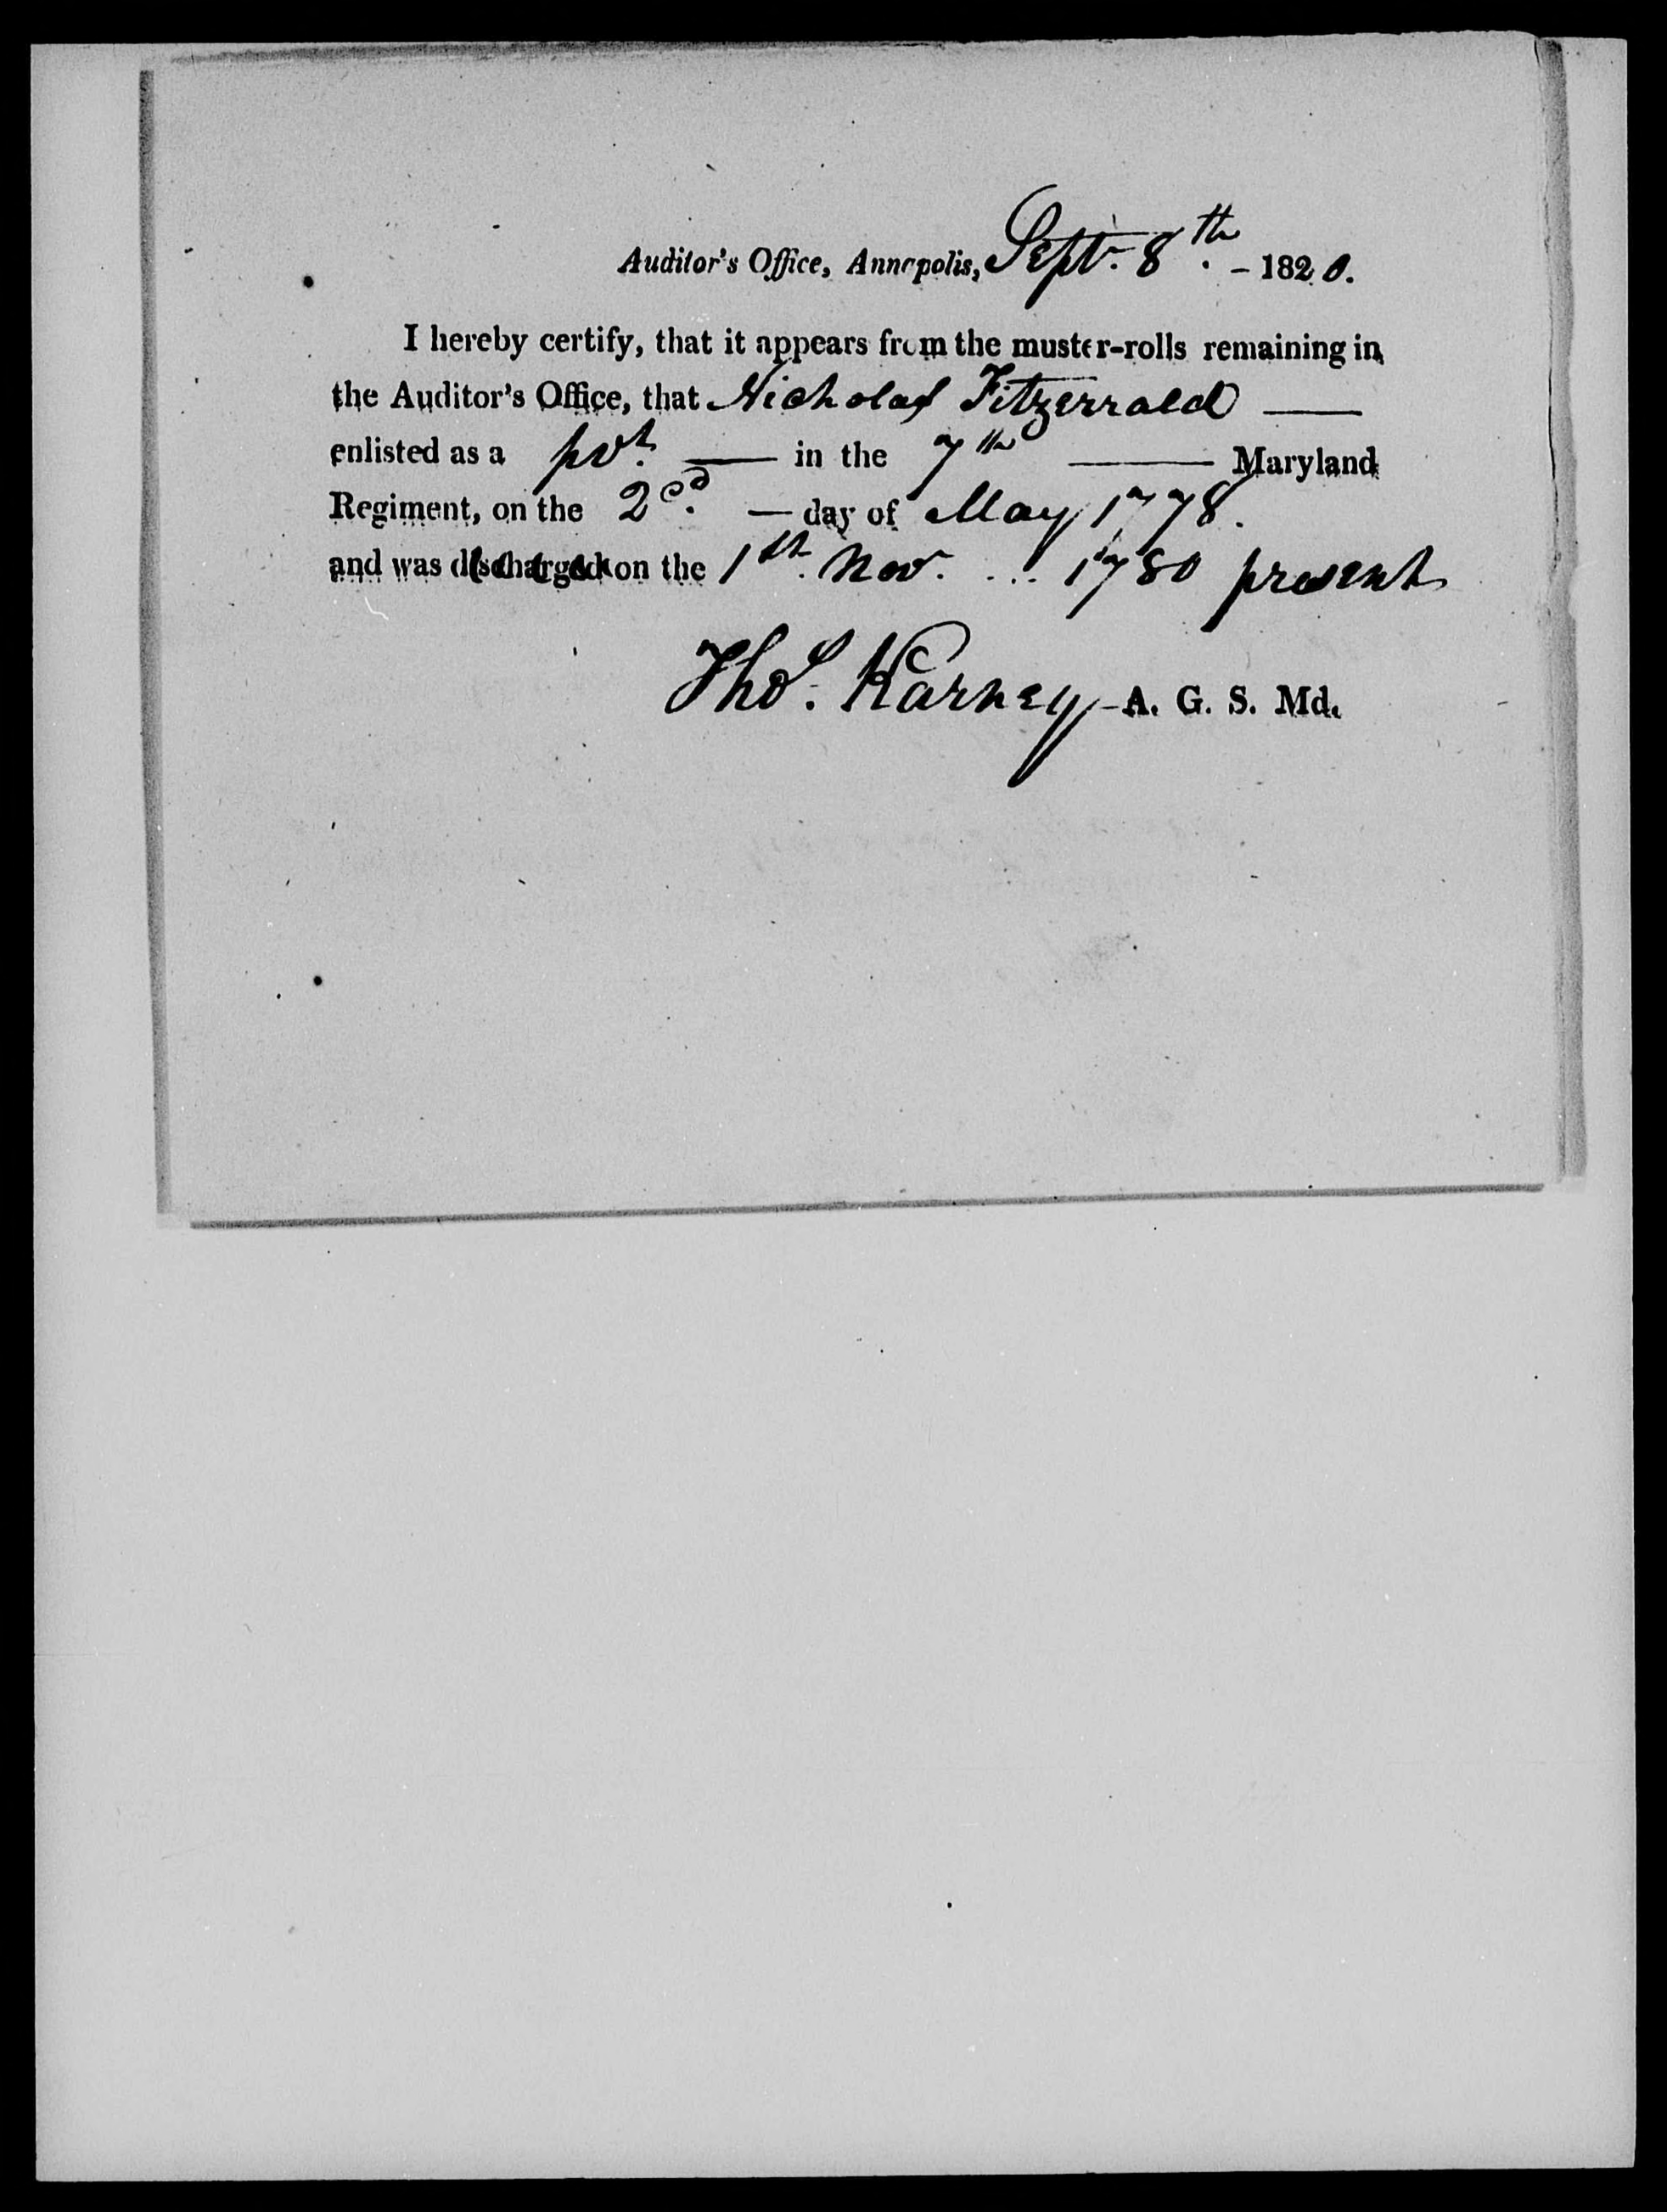Auditor's Office, Annapolis, Sept. 8th 1820

I hereby certify, that it appears from the muster-rolls remaining in the Auditor's Office, that Nicholas Fitzerrald enlisted as a pvt. in the 7th Maryland Regiment, on the 2nd. day of May 1778 and was discharged on the 1st Nov. 1780 [illegible].

Tho. Karrey [or Karney] A.G.S. Md.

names: Nicholas Fitzerrald, Thos Karney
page: 3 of 7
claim: survivor's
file: S. 34,852, Nicholas Fitzgerald, Md.